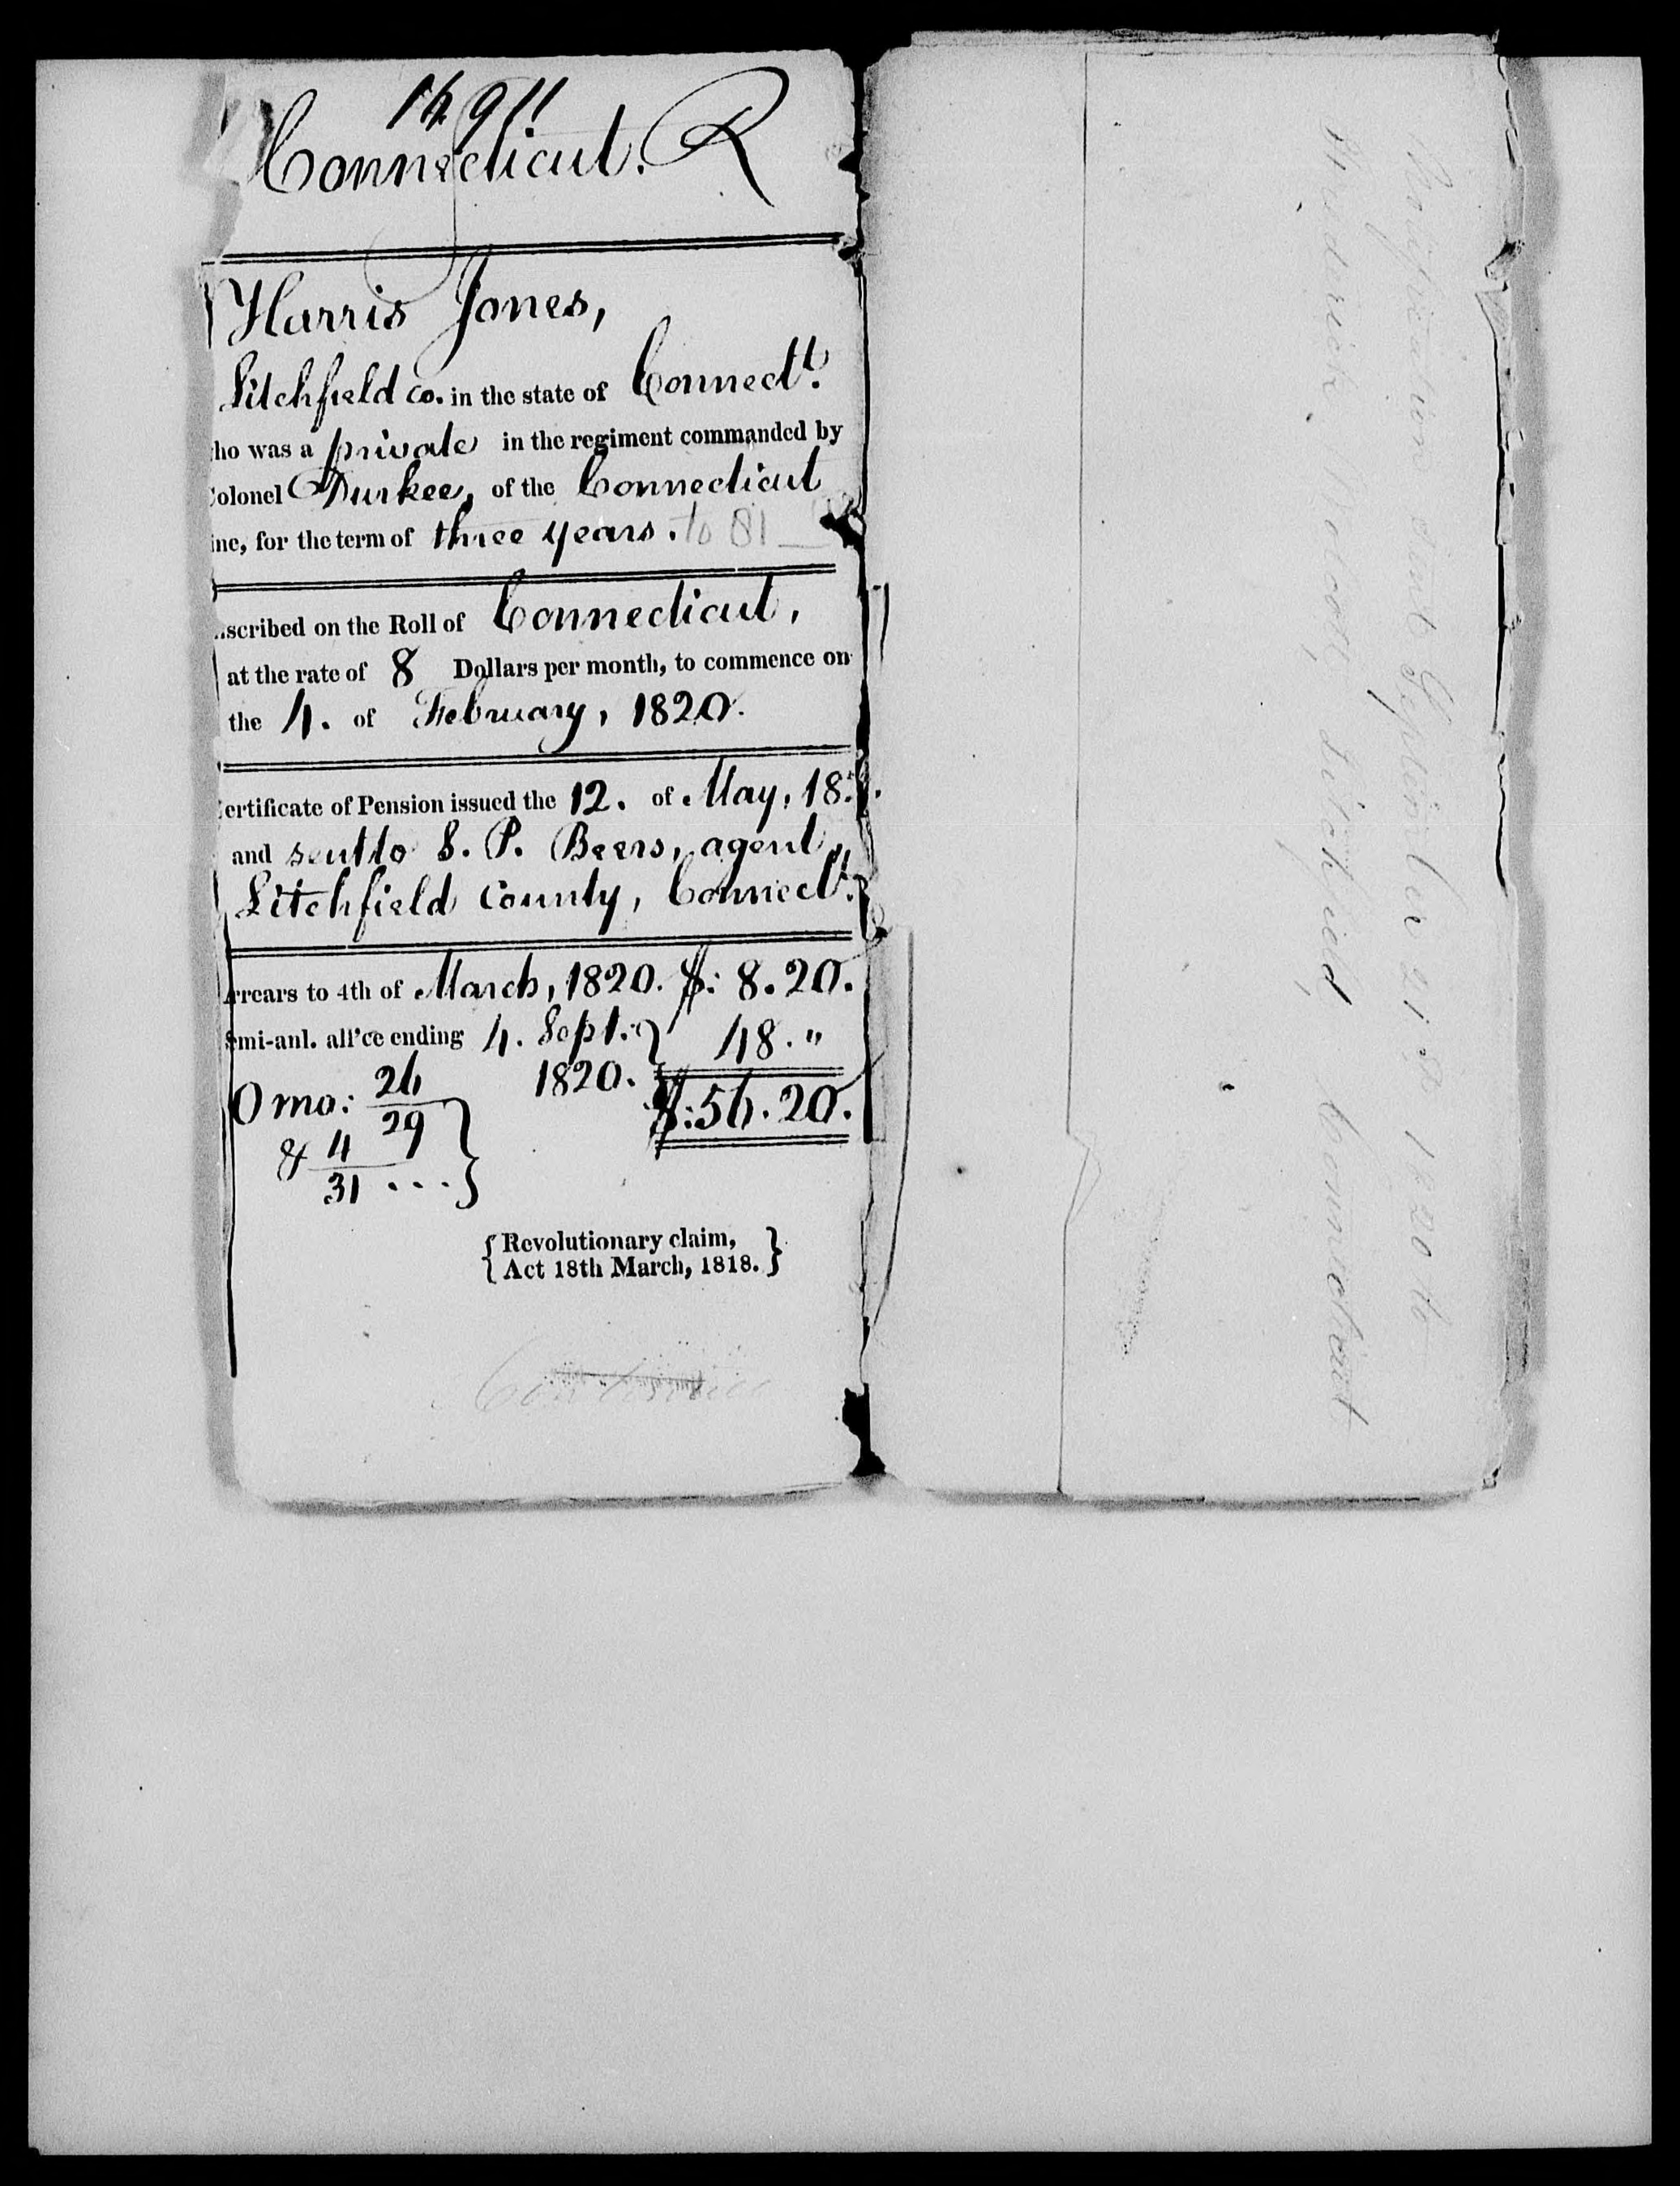11,911
Connecticut R
--
Harris Jones,
Litchfield Co. in the state of Connectt.
who was a private in the regiment commanded by Colonel Durkee of the Connecticut line,
for the term of three years. to [illegible]
--
scribed on the Roll of Connecticut,
at the rate of 8 Dollars per month, to commence on the 4. of February, 1820.
--
Certificate of Pension issued the 12. of May, 18[?] 
and sent to S. P. Beers, agent
Litchfield County, Connectt.
--
Arrears to 4th of March, 1820.                 $8.20.
Semi-anl. all'ce ending 4. Sept. 1820.       48. "
 0 mo: 26/29 & 4/31}                               $56.20.


{Revolutionary claim,
Act 18th March, 1818.}

Connecticut

[written on facing page in margin]
Notification sent September 21st 1820 to
Hendrick [illegible] Litchfield, Connecticut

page: 2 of 11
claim: survivor's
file: S. 36655, for Harris Jones, Connecticut